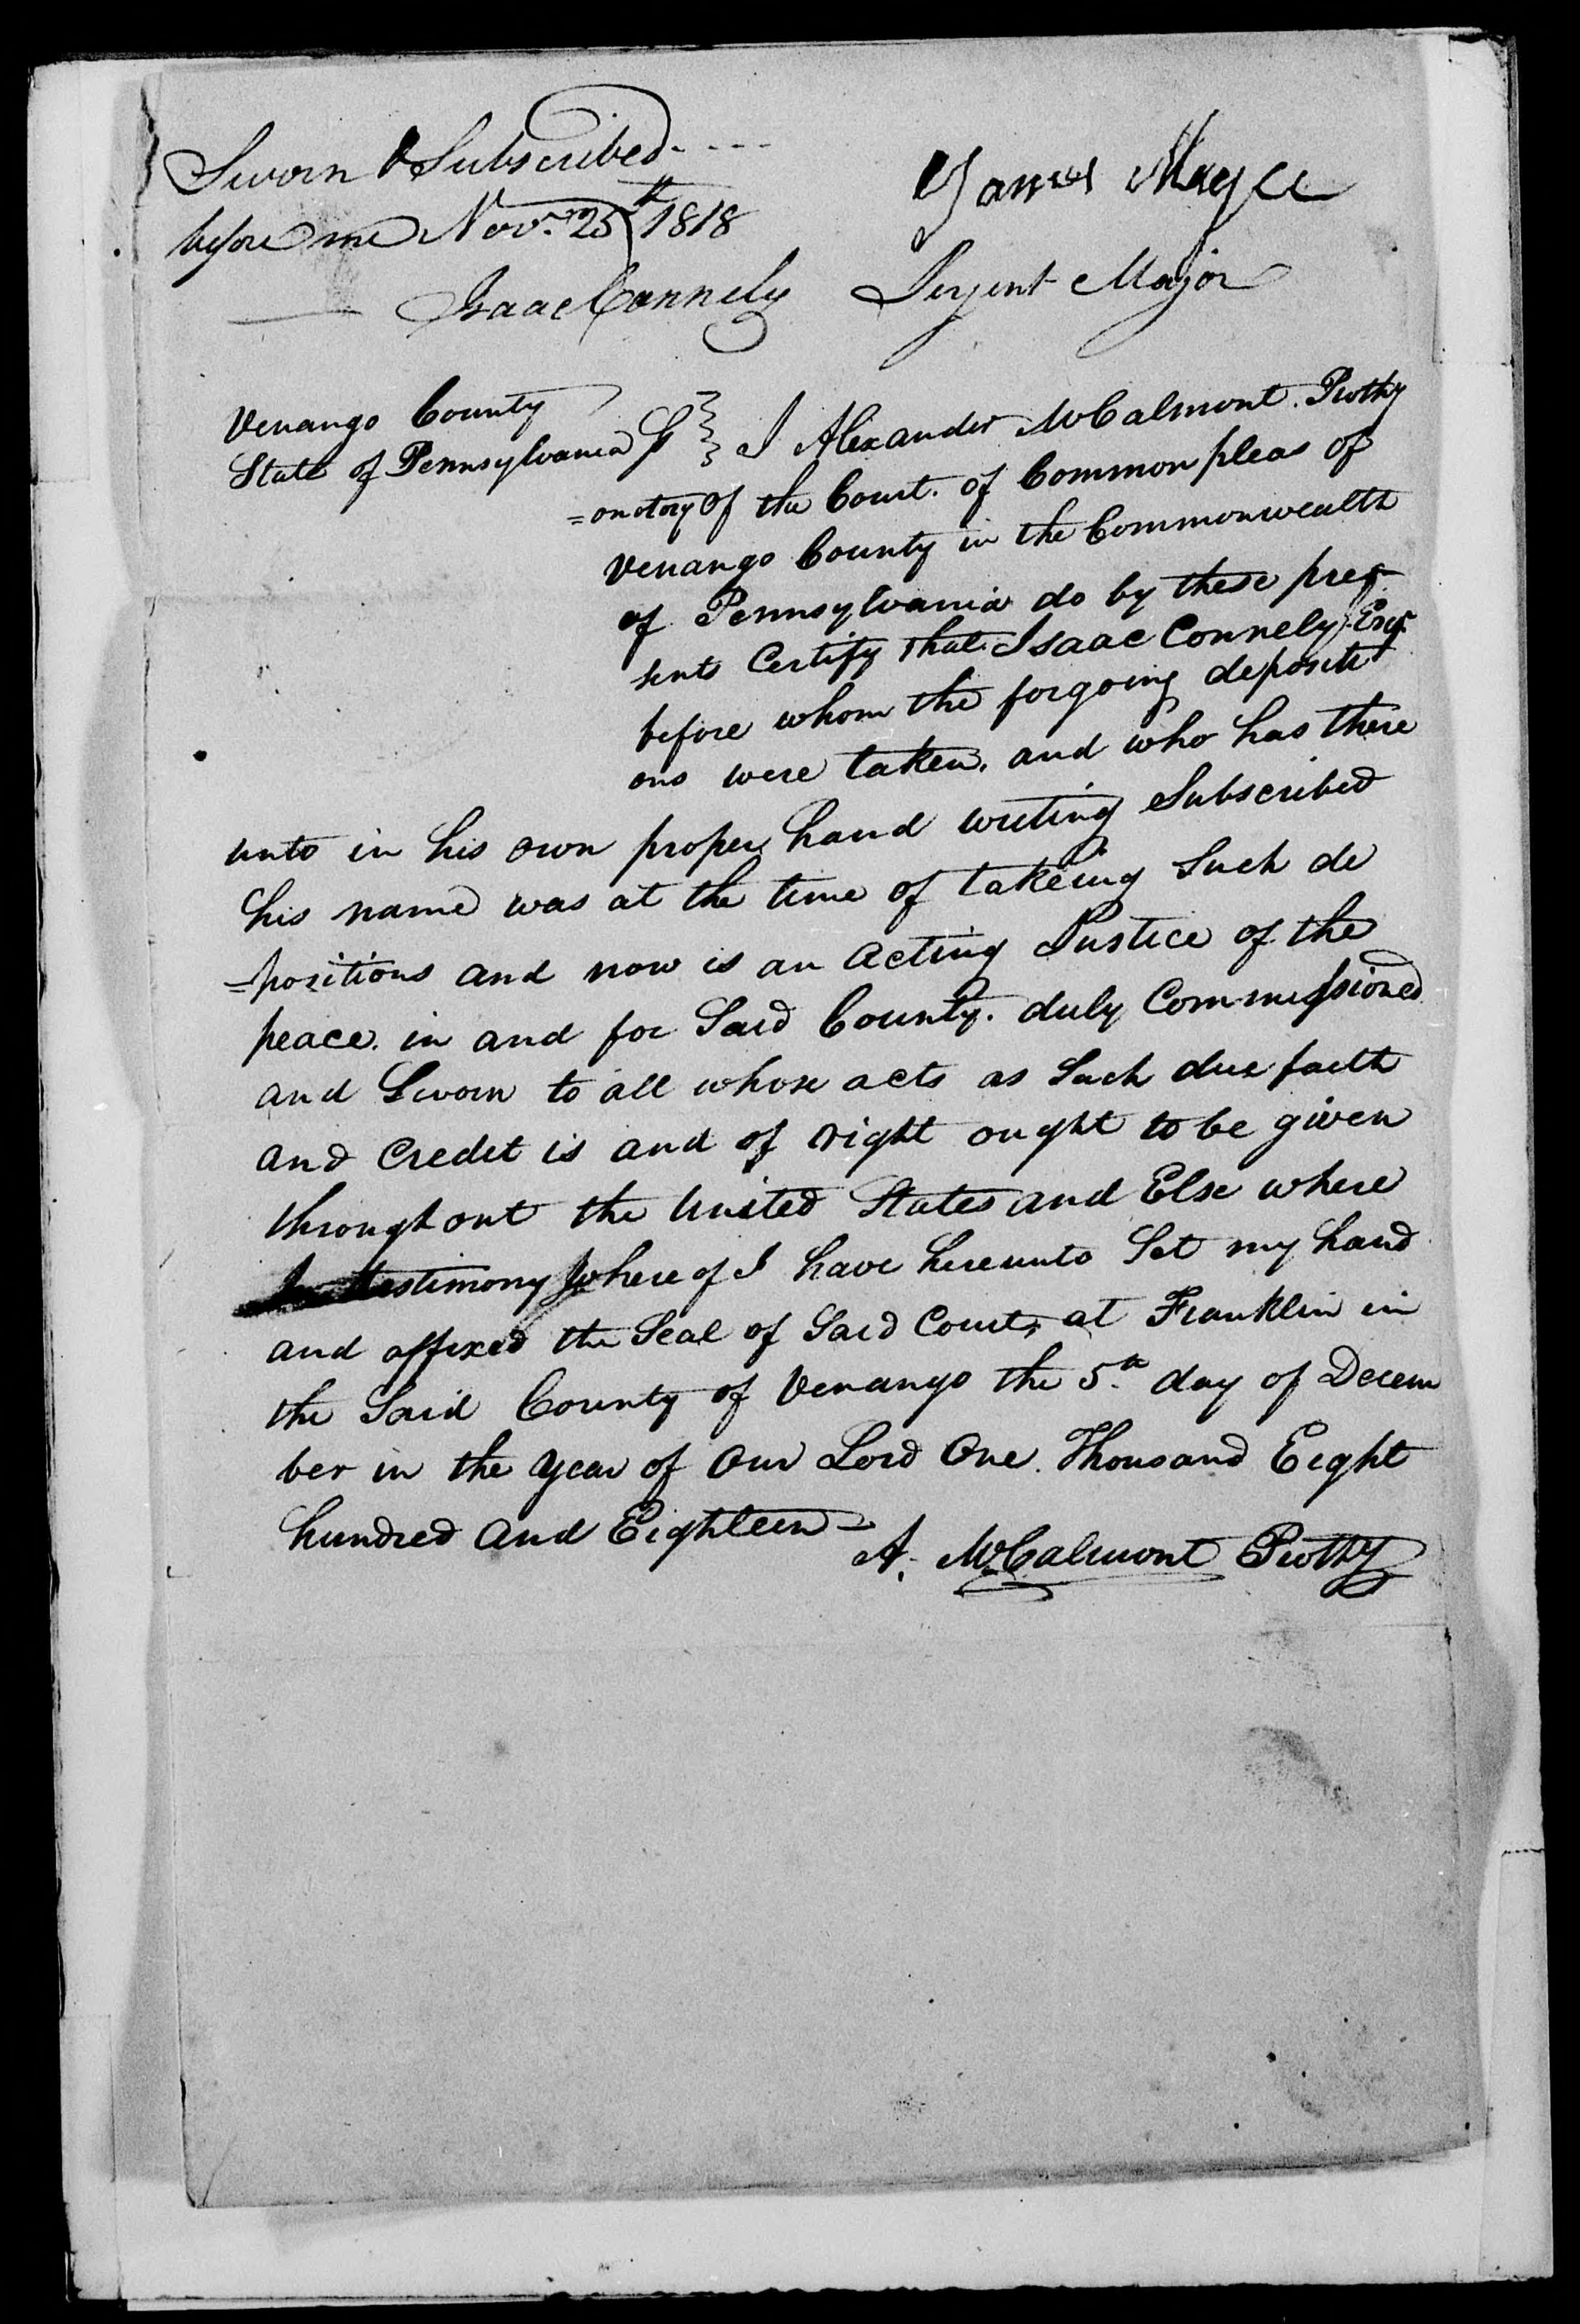Sworn & Subscribed before me Nov. 25 1818
James Mcgee 
Sergeant Major 
Isaac Cannely 
Venango County }
State of Pennsylvania }  I Alexander W Calmont Prothonotary of the Court of Common pleas of Venango County in the Commonwealth of Pennsylvania do by these present certify that Isaac Connely Esq before whom the forgoing depositions were taken, and who has there unto in his own proper hand writing subscribed his name was at the time of taking such depositions and now is an acting Justice of the peace in and for said County, duly commissioned and Sworn to all whose acts as such due faith and credit is and of right ought to be given throughout the United States and Else where testimony where of I have hereunto set my hand and affixed the Seal of said Court at Franklin in the said County of Venango the 5th day of December in the year of our Lord One Thousand Eight hundred and Eighteen
 A. W. Calmont Prothy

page: 15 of 77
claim: widow's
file: W 2954, for James Mc Gee, Delaware